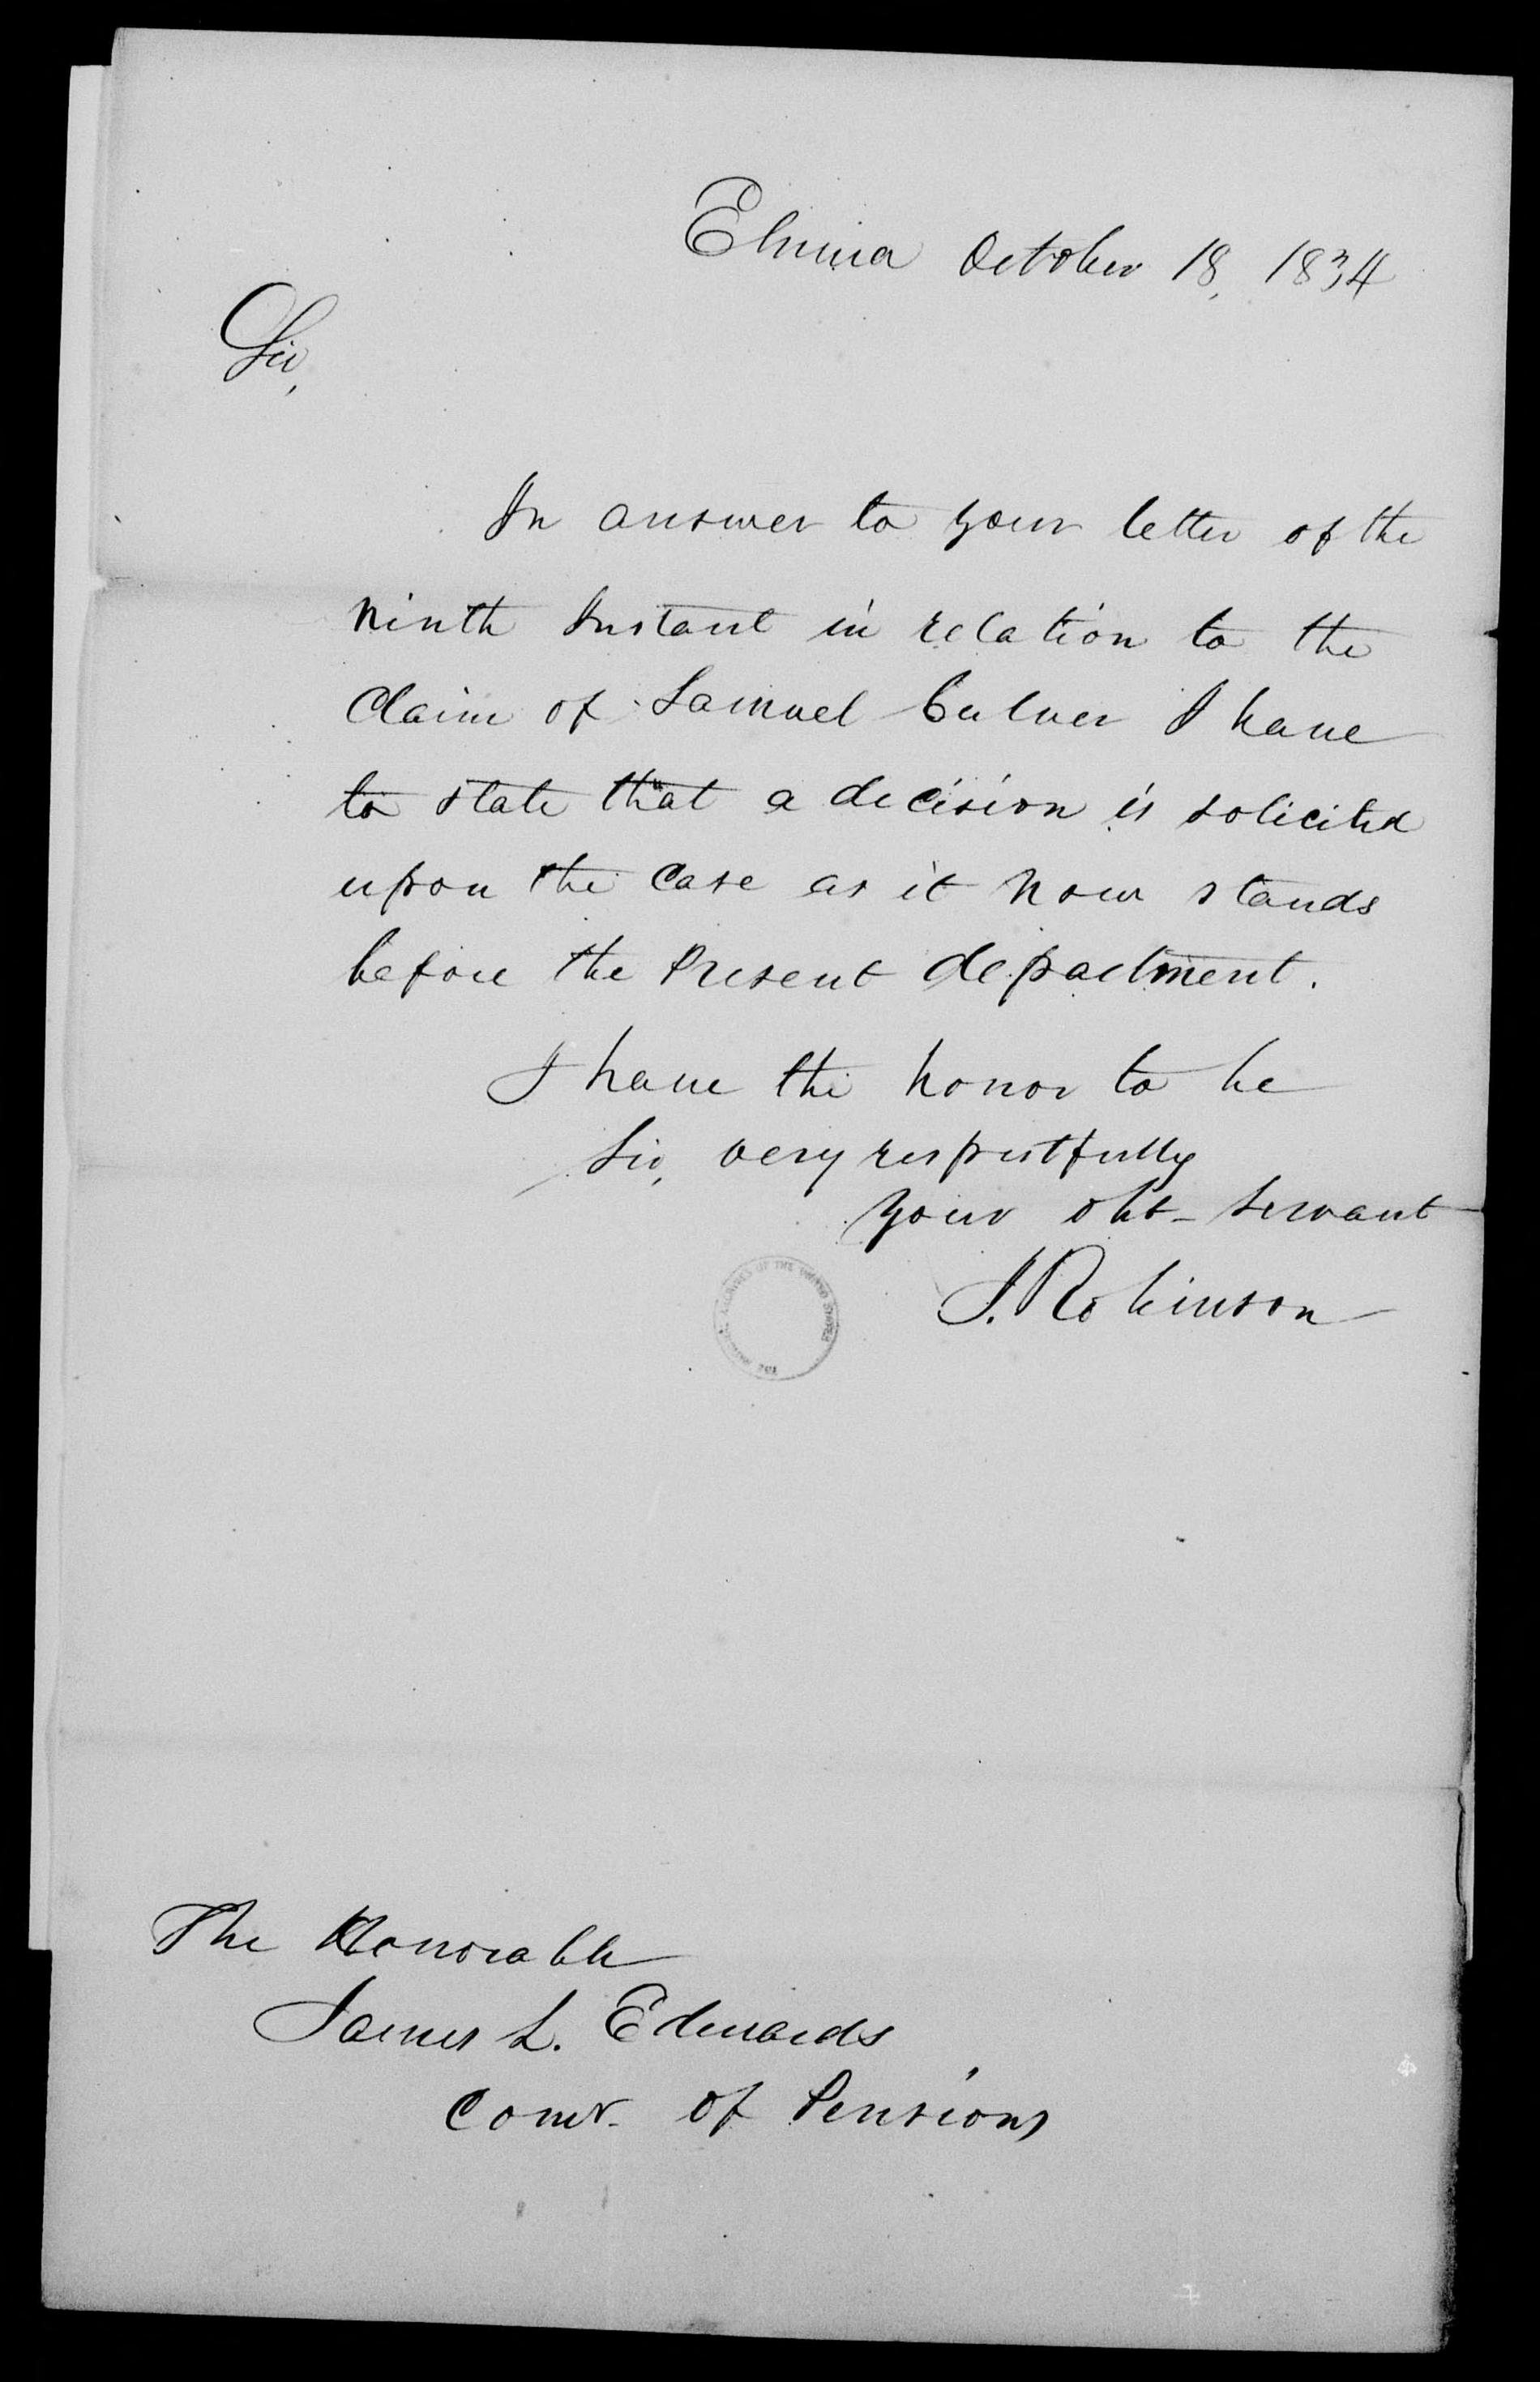Elmira October 18, 1834

Sir,

	In answer to your letter of the
ninth instant in relation to the
claim of Samuel Culver I have 
to state that a decision is solicited
upon the case as it now stands
before the Present department.

	I have the honor to be
	Sir, very respectfully
	Your obt. servant
	
	J. Robinson

[stamp – The National Archives of the United States]


The Honorable
James L. Edwards
Commr of Pensions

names: J Robinson, Samuel Culver, James L Edwards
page: 38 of 40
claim: rejected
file: R. 1,570, Samuel Culver, New Jersey